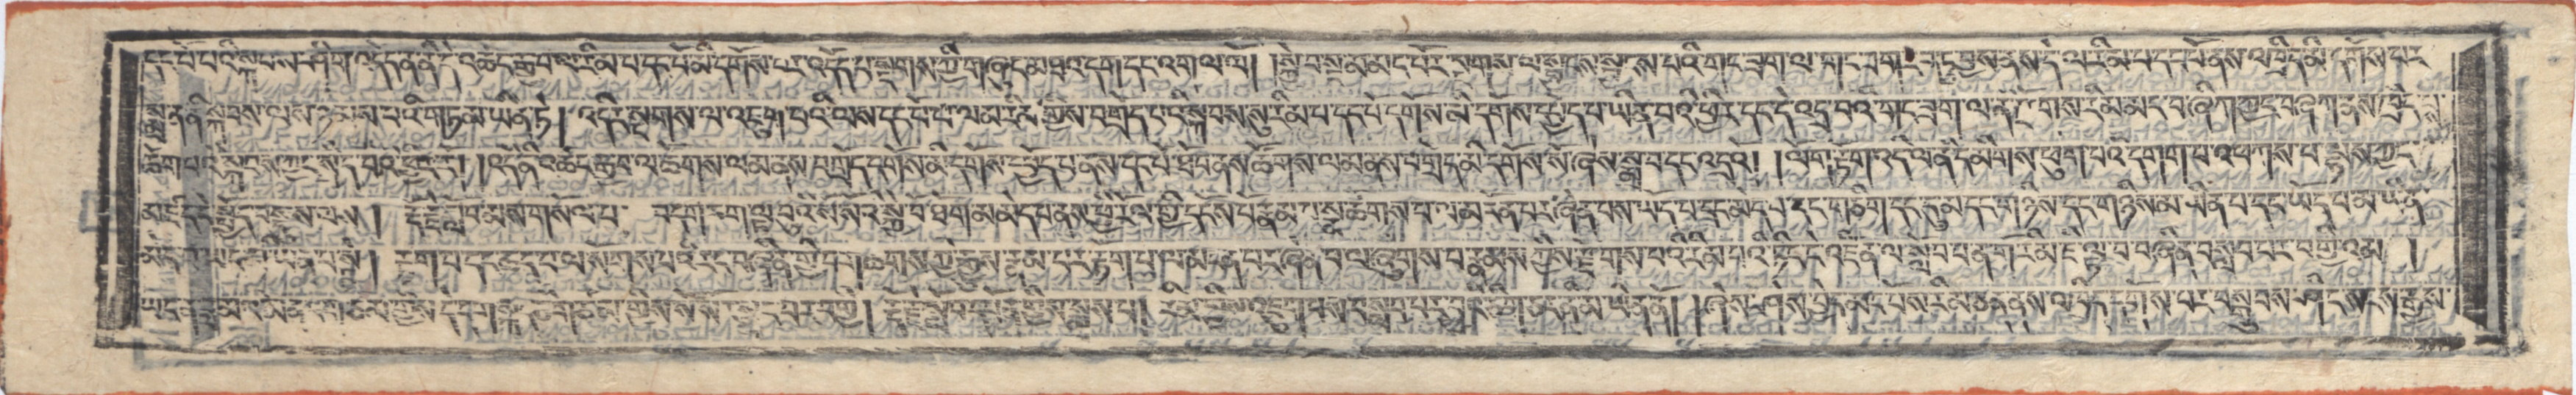དང་པོ་པའི་སྐབས་ཤིག་འདོད་ན་ནི་དེ་འཚང་རྒྱ་བ་ལ་རིམ་པ་དང་པོ་མི་དགོས་པར་འདོད་པ་སྔགས་ཀྱི་གཞུང་མཐའ་དག་དང་འགལ་ལོ། །སྐྱེ་བ་སྔ་མ་མང་པོར་སྔགས་ལ་སྦྱངས་སྦྱངས་པའི་གང་ཟག་ལ་གང་ཟག་རབ་ཏུ་བྱས་ནས་དེ་ལ་རིམ་པ་དང་པོ་ནས་འཁྲིད་མི་དགོས་པར་
སྨྲ་ན་ནི་སྐབས་ལས་ཉམས་པའི་གཏམ་ཡིན་ཏེ། འདིར་སྔགས་ལ་འཇུག་པའི་ལས་དང་པོ་ལ་ལམ་རིམ་གྱིས་བགྲོད་པའི་སྐབས་སུ་རིམ་པ་དང་པོ་དགོས་མི་དགོས་དཔྱོད་པ་ཡིན་པའི་ཕྱིར་དང་དེ་འདྲ་བའི་གང་ཟག་ལ་ནི་རྫོགས་རིམ་མང་བ་ཞིག་ཀྱང་བཞག་ནས་ཁྲིད་པས་
ཆོག་པའི་སྐབས་ཀྱང་སྲིད་པའི་ཕྱིར་རོ། །འདི་ནི་འཚང་རྒྱ་བ་ལ་ཚོགས་ལམ་ནས་བགྲོད་དགོས་མི་དགོས་དཔྱོད་པ་ནས་དང་པོ་ཐོབ་ནས་ཚོགས་ལམ་ནས་བགྲོད་མི་དགོས་སོ་ཞེས་སྨྲ་བ་དང་འདྲའོ། །ལོག་རྟོག་འདི་ལ་ནི་དམིགས་ཕུག་པའི་དགག་པ་འཕགས་པ་ལྷས་ཀྱང་
མཛད་དེ་སྤྱོད་བསྡུས་ལས། རྡོ་རྗེ་སློབ་མས་གསོལ་པ། བདག་ཆག་ལྟ་བུའི་སོ་སོའི་སྐྱེ་བོ་ཐོག་མ་མེད་པ་ནས་ཕྱི་རོལ་གྱི་དངོས་པོ་རྣམ་པ་སྣ་ཚོགས་པ་ལ་མངོན་པར་ཞེན་པས་ཡོད་པ་དང་མེད་པ་དང་གཅིག་དང་དུ་མ་དང་གཉིས་དང་གཉིས་མ་ཡིན་པ་དང་ཡོད་པ་མ་ཡིན་
མེད་པ་ཡང་མ་ཡིན་པ་སྟེ། རྟག་པ་དང་ཆད་པ་ལ་སོགས་པའི་རང་བཞིན་གྱི་བག་ཆགས་ཀྱི་རྒྱུས་རྣམ་པར་རྟོག་པ་ལ་མངོན་པར་ཞེན་པ་ལ་ཞུགས་པ་རྣམས་ཀྱིས་རྫོགས་པའི་རིམ་པའི་ཏིང་ངེ་འཛིན་ལ་སློབ་པ་ན་གོ་རིམ་ཇི་ལྟ་བ་བཞིན་བསླབ་པར་བགྱི་འམ།
ཡང་ན་བླ་མའི་མན་ངག་ཙམ་གྱིས་དེ་དག་སྐད་ཅིག་ཙམ་གྱིས་སོ་སོར་སྣང་བར་བགྱི། རྡོ་རྗེ་སློབ་དཔོན་གྱིས་སྨྲས་པ། རིམ་གྱིས་འཇུག་པས་བསླབ་པར་བྱའི་ཅིག་ཅར་ནི་མ་ཡིན་ནོ། །ཞེས་ཤེས་བྱེད་མང་པོས་རིམ་ཅན་ནས་འཁྲིད་དགོས་པར་བསྒྲུབས་ཤིང་སངས་རྒྱས་